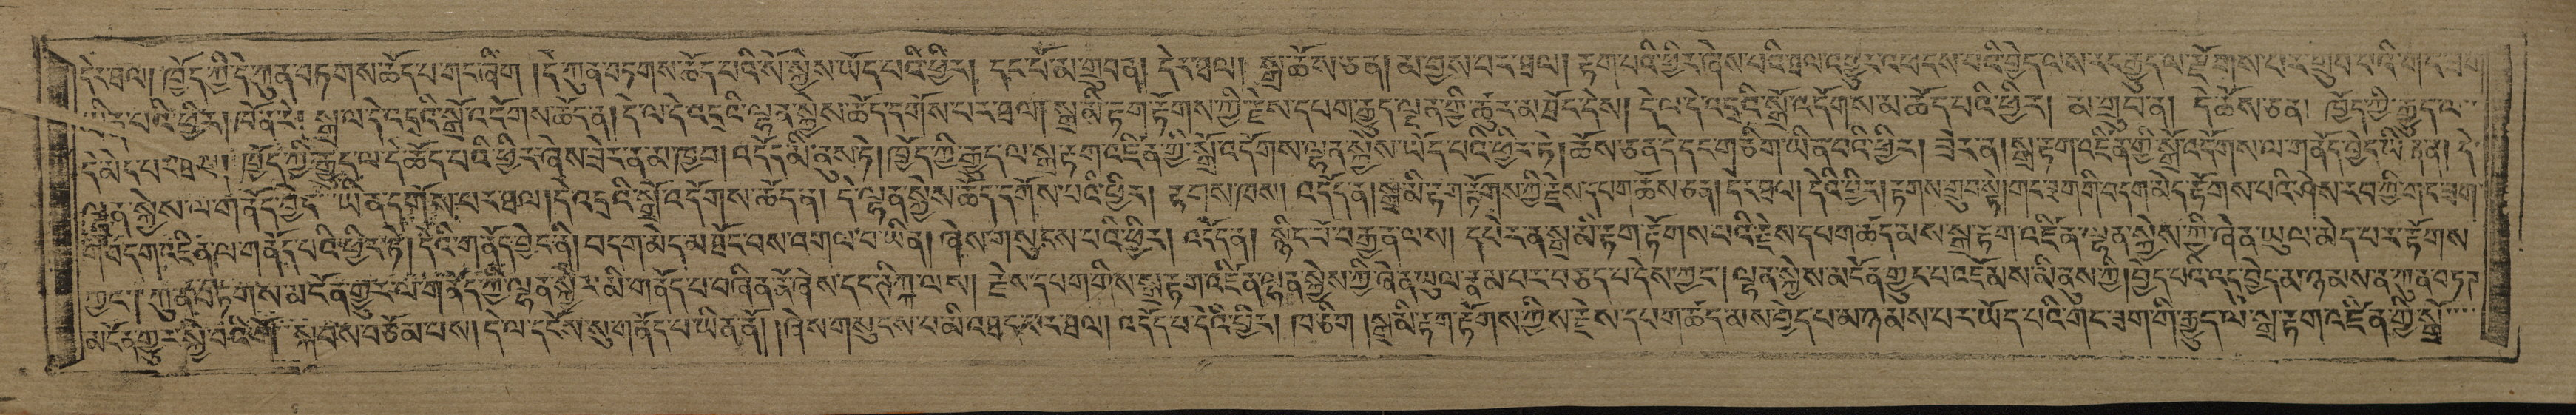དེར་ཐལ། ཁྱོད་ཀྱི་དེ་ཀུན་བཏགས་ཆོད་པ་གང་ཞིག །དེ་ཀུན་བཏགས་ཆོད་པའི་སོ་སྐྱེས་ཡོད་པའི་ཕྱིར། དང་པོ་མ་གྲུབ་ན། དེར་ཐལ། སྒྲ་ཆོས་ཅན། མ་བྱས་པར་ཐལ། རྟག་པའི་ཕྱིར་ཞེས་པའི་ཐལ་འགྱུར་འཕངས་པའི་བྱེད་ལས་རང་རྒྱུད་ལ་རྫོགས་པར་གྲུབ་པའི་གང་ཟག་
ཡིན་པའི་ཕྱིར། ཁོ་ན་རེ། སྒྲ་ལ་དེ་འདྲའི་སྒྲོ་འདོགས་ཆོད་ན། དེ་ལ་དེ་འདྲའི་ལྷན་སྐྱེས་ཆོད་དགོས་པར་ཐལ། སྒྲ་མི་རྟག་རྟོགས་ཀྱིས་རྗེས་དཔག་རྒྱུད་ལྡན་གྱི་ཚུར་མཐོང་དེས། དེ་ལ་དེ་འདྲའི་སྒྲོ་འདོགས་མ་ཆོད་པའི་ཕྱིར། མ་གྲུབ་ན། དེ་ཆོས་ཅན། ཁྱོད་ཀྱི་རྒྱུད་ལ་
དེ་མེད་པར་ཐལ། ཁྱོད་ཀྱི་རྒྱུད་ལ་དེ་ཆོད་པའི་ཕྱིར་ཞེས་ཟེར་ན་མ་ཁྱབ། འདོད་མི་ནུས་ཏེ། ཁྱོད་ཀྱི་རྒྱུད་ལ་སྒྲ་རྟག་འཛིན་གྱི་སྒྲོ་འདོགས་ལྷན་སྐྱེས་ཡོད་པའི་ཕྱིར་ཏེ། ཆོས་ཅན་དེ་དང་གཅིག་ཡིན་པའི་ཕྱིར། ཟེར་ན། སྒྲ་རྟག་འཛིན་གྱི་སྒྲོ་འདོགས་ལ་གནོད་བྱེད་ཡིན་ན། དེ་
ལྷན་སྐྱེས་ལ་གནོད་བྱེད་ཡིན་དགོས་པར་ཐལ། དེ་འདྲའི་སྒྲོ་འདོགས་ཆོད་ན། དེ་ལྷན་སྐྱེས་ཆོད་དགོས་པའི་ཕྱིར། རྟགས་ཁས། འདོད་ན། སྒྲ་མི་རྟག་རྟོགས་ཀྱི་རྗེས་དཔག་ཆོས་ཅན། དེར་ཐལ། དེའི་ཕྱིར། རྟགས་གྲུབ་སྟེ། གང་ཟག་གི་བདག་མེད་རྟོགས་པའི་ཤེས་རབ་ཀྱི་གང་ཟག་
གི་བདག་འཛིན་ལ་གནོད་པའི་ཕྱིར་ཏེ། དེའི་གནོད་བྱེད་ནི། བདག་མེད་མཐོང་བས་འགལ་བ་ཡིན། ཞེས་གསུངས་པའི་ཕྱིར། འདོད་ན། སྙིང་པོ་བརྒྱན་ལས། དཔེར་ན་སྒྲ་མི་རྟག་རྟོགས་པའི་རྗེས་དཔག་ཚད་མས་སྒྲ་རྟག་འཛིན་ལྷན་སྐྱེས་ཀྱི་ཞེན་ཡུལ་མེད་པར་རྟོགས་
ཀྱང་། ཀུན་བཏགས་མངོན་གྱུར་ལ་གནོད་ཀྱི་ལྷན་སྐྱེར་མི་གནོད་པ་བཞིན་ནོ་ཞེས་དང་ཊིཀྐ་ལས། རྗེས་དཔག་གིས་སྒྲ་རྟག་འཛིན་ལྷན་སྐྱེས་ཀྱི་ཞེན་ཡུལ་རྣམ་པར་བཅད་པ་དེས་ཀྱང་། ལྷན་སྐྱེས་མངོན་གྱུར་པ་འཇོམས་མི་ནུས་ཀྱི། བྱེད་པའི་འདུ་བྱེད་མ་ཉམས་ན་ཀུན་བཏགས་
མངོན་གྱུར་སྐྱེ་བའི་གོ་སྐབས་བཅོམ་པས། དེ་ལ་དངོས་སུ་གནོད་པ་ཡིན་ནོ། །ཞེས་གསུངས་པ་མི་འཐད་པར་ཐལ། འདོད་པ་དེའི་ཕྱིར། ཁ་ཅིག །སྒྲ་མི་རྟག་རྟོགས་ཀྱིས་རྗེས་དཔག་ཚད་མས་བྱེད་པ་མ་ཉམས་པར་ཡོད་པའི་གང་ཟག་གི་རྒྱུད་ལ་སྒྲ་རྟག་འཛིན་གྱི་སྒྲོ་